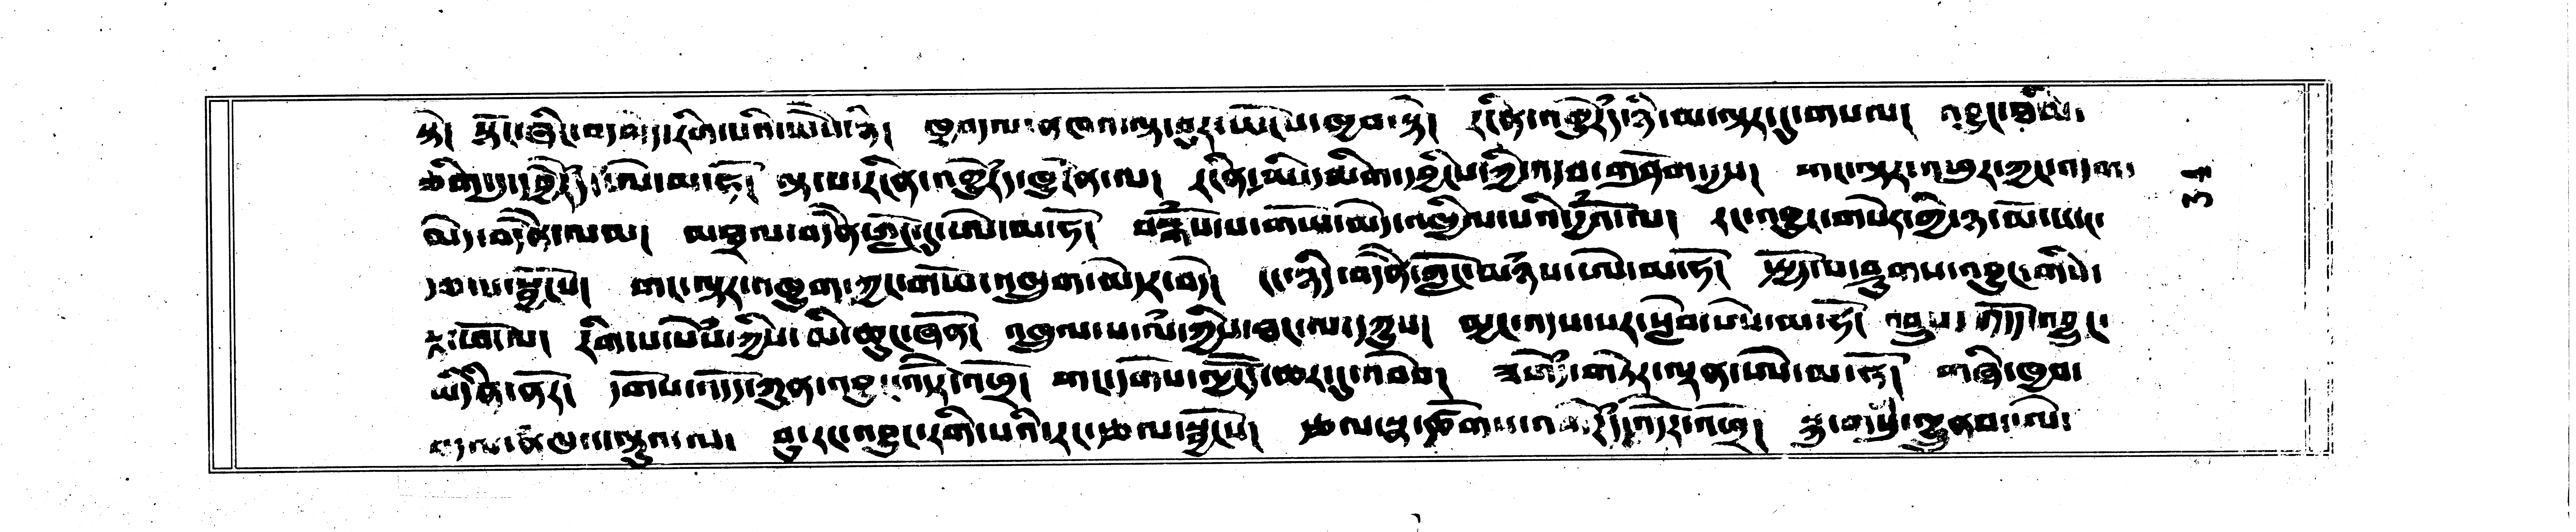སྟེ། སྟོང་ཞིང་བདག་མེད་རིག་པའི་ཡེ་ཤེས་ནི། ཁྱབ་བདལ་ནམ་མཁའ་ལྟ་བུར་ཡོངས་ཁྱབ་སྟེ། རང་བཞིན་འགྱུར་མེད་ཉི་མ་ལྟར་དུ་གསལ། འབྱུང་ཐིམ་
གཅིག་ཏུ་དབྱེར་མེད་ཨེ་མ་ཧོ། ལྟ་བ་རང་བཞིན་འགྱུར་མེད་ཁྱུང་ཆེན་ལ། རང་བཞིན་མི་དམིགས་དབྱིངས་ཀྱི་འདབ་གཤོག་རྒྱས། གང་ལྟར་འཕུར་ཀྱང་འདག་
མེད་བདེ་ཆེན་ལམ། ལམ། མཐའ་བྲལ་བདེ་ཆེན་ཀློང་དུ་ཨེ་མ་ཧོ། བསྒོམ་པ་གཡོ་མེད་འཁྱིལ་པའི་རྒྱ་མཚོ་ལ། རང་འབྱུང་གསེར་གྱི་ཉ་མོ་ཡང་
རྩལ་སྦྱོངས། གང་ལྟར་འཁྲུག་ཀྱང་གཡོ་འཁྲུག་མེད་པར་བདེ། ངང་ཉིད་བདེ་ཆེན་ཀློང་མཉམ་ཨེ་མ་ཧོ། སྤྱོད་པ་ཤུགས་འབྱུང་གི་
རྟ་ཕོ་ལ། རིག་པ་སེམས་ཀྱི་མི་ཆུང་ཞོན། འཁྲུལ་པ་ས་ལམ་གྱི་ཐང་ལ་དཀྱུས། མྱང་འདས་སར་སླེབས་ཨེ་མ་ཧོ། འབྲས་བུ་འདོད་འབྱུང་
ཡིད་བཞིན་ནོར། དགོས་འདོད་ཀུན་འབྱུང་འོད་ཟེར་འཕྲོ། གང་དགོས་ལོངས་སྤྱོད་ཆར་དུ་འབེབས། ཟག་མེད་གཏེར་ལྡན་ཨེ་མ་ཧོ། གཞི་ཁྱབ་
བདལ་ནམ་མཁའ་ལྟ་བུ་ལ། བུ་རང་བྱུང་རིག་པའི་རང་རྩལ་སྦྱངས། རྩལ་སྣ་ཚོགས་འགག་མེད་འོད་ཟེར་འཕྲོ། སྐུ་གསུམ་ལྷུན་གྲུབ་ཨེ་